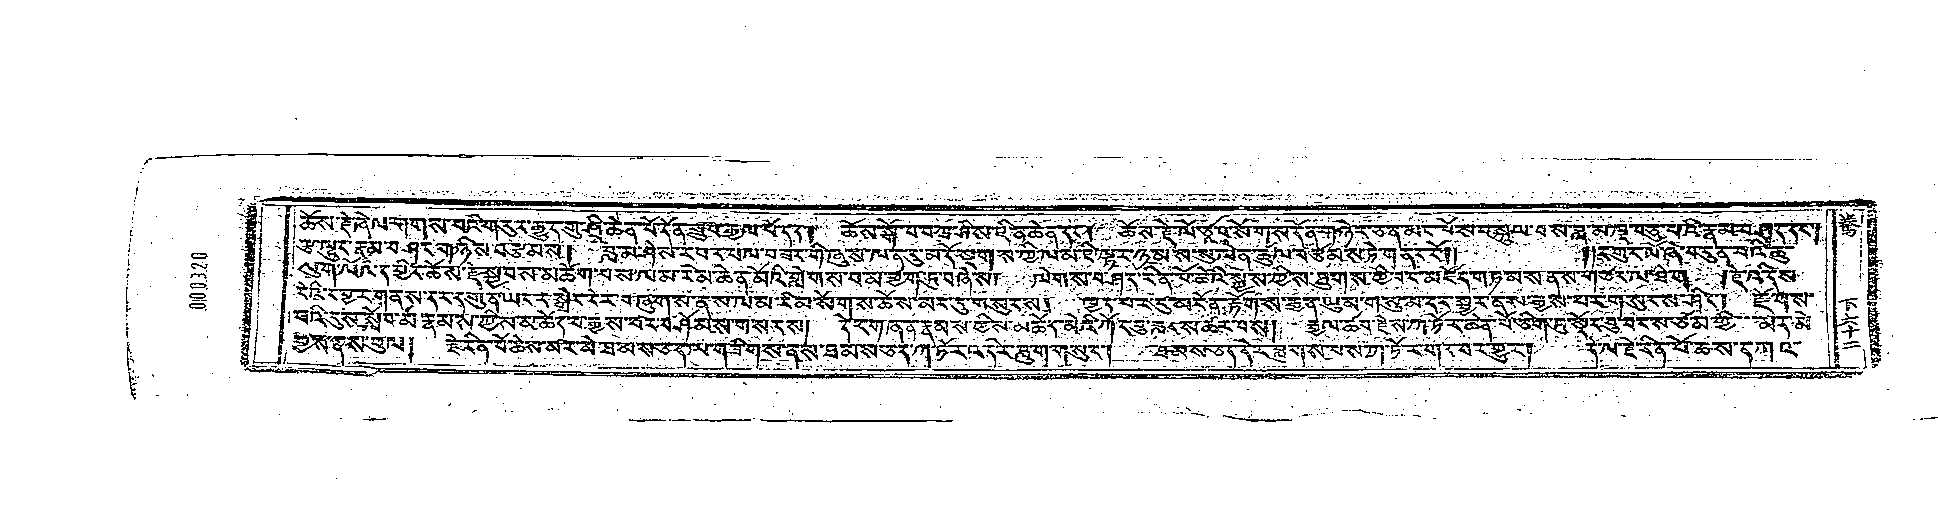ཆོས་རྗེ་ཞེལ་གགས་པའི་གདུང་རྒྱུད་གུ་ཤྲཱི་ཆེན་པོ་དོན་གྲུབ་རྒྱལ་པོ་དང་། ཆོས་སྒོ་བ་བཀྲ་ཤིས་རིན་ཆེན་དང་། ཆོས་རྗེ་ལོ་ཙཱ་བ་སོགས་དོན་གཉེར་ཅན་མང་པོས་བསྐུལ་བས་བླ་མ་ལྔ་བཅུ་པའི་རྣམ་བཤད་དང་།
རྩ་ལྟུང་རྣམ་བཤད་གཉིས་བརྩམས། བླ་མ་ཤེས་རབ་དཔལ་བཟང་གི་ཞུས་ལན་དུ་མདོ་སྔགས་ཀྱི་ལམ་ཇི་ལྟར་ཉམས་སུ་ལེན་ཚུལ་བརྩོམས་ཏེ་གནང་ངོ།། །།དགུང་ལོ་ཞི་བདུན་པའི་ཆུ་
ལུག་ལོའི་དཔྱིད་ཆོས་རྗེ་སྐྱབས་མཆོག་པས་ལམ་རིམ་ཆེན་མོའི་གླེགས་བམ་ཕྱག་ཏུ་བཞེས། ལེགས་བཤད་རིན་པོ་ཆེའི་སྐྱེས་ཀྱིས་ཐུགས་ཀྱི་བར་མཛོད་གཏམས་ནས་གཙང་ལ་ཐེག །རྗེ་འདི་ས་
དེའི་དབྱར་གནས་དང་དགུན་ཡང་ར་སྒྲེང་དེར་བཞུགས་ནས་ལམ་རིམ་སོགས་ཆོས་མང་དུ་གསུངས། ཁྱད་པར་དུ་མངོན་རྟོགས་རྒྱན་ཡུམ་གསུམ་དང་སྦྱར་ནས་རྒྱས་པར་གསུངས་ཤིང་། རྫོགས་
བའི་དུས་སློབ་མ་རྣམས་ཀྱིས་མཆོད་པ་རྒྱས་བར་བཤོམས་གསངས། དེར་གཞན་རྣམས་ཀྱིས་མཆོད་མེའི་ཀོང་བུ་བླངས་ཚར་བས། རྒྱལ་ཚབ་རྗེས་གཏོར་ཆེན་པོ་ཅིག་ཏུ་སྡོང་བུ་བངས་ཙམ་གྱི་མར་མེ་
བྱས་ནས་ཕུལ། རྗེ་རིན་པོ་ཆེས་མར་མེ་ཐམས་ཅད་ལ་གཟིགས་ནས་ཐམས་ཅད་གཏོར་འདིར་བླུག་གསུང་། ཐམས་ཅད་དེར་ཐུགས་པས་ཀ་ཏོ་ར་གང་བར་གྱུར། དེ་ལ་རྗེ་རིན་པོ་ཆས་དཀའ་